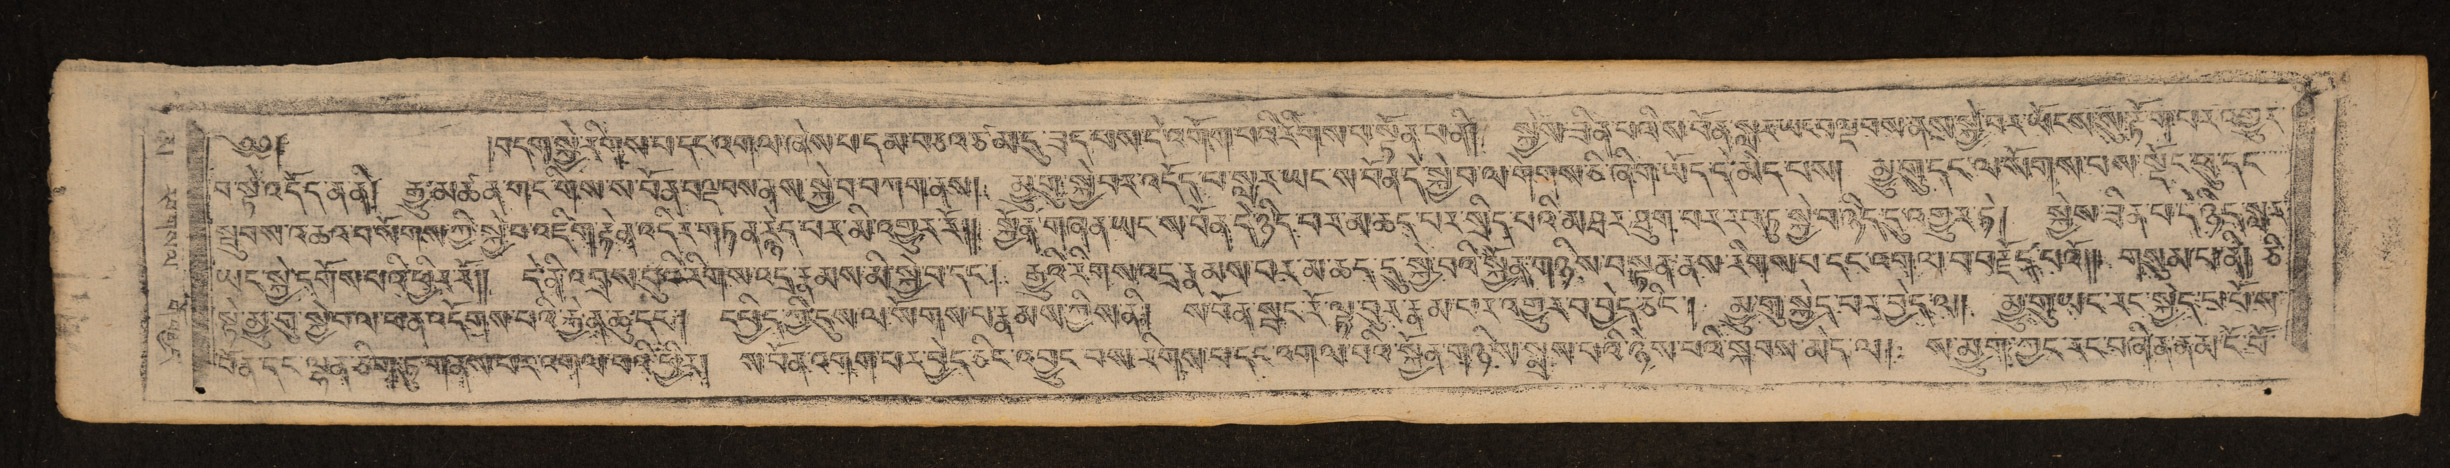༄༅། །བདག་སྐྱེ་རིགས་པ་དང་འགལ་ཞེས་པ་དམ་བཅའ་ཙམ་དུ་ཟད་པས་དེ་འགོག་པའི་རིགས་པ་སྟོན་པ་ནི། སྐྱེས་ཟིན་པའི་ས་བོན་སླར་ཡང་བལྡབས་ནས་སྐྱེ་བར་ཡོངས་སུ་རྟོག་པར་འགྱུར་
བ་སྟེ་འདོད་ན་ནི། རྒྱུ་མཚན་གང་གིས་ས་བོན་བལྡབས་ནས་སྐྱེ་བ་བཀག་ནས། མྱུ་གུ་སྐྱེ་བར་འདོད་པ་སླར་ཡང་ས་བོན་དེ་སྐྱེ་བ་ལ་གེགས་ཅི་ཞིག་ཡོད་དེ་མེད་པས། མྱུ་གུ་དང་ལ་སོགས་པས་སྡོང་བུ་དང་
སྦུབས་འཆའ་བ་སོགས་ཀྱི་སྐྱེ་བ་འཇིག་རྟེན་འདིར་གཏན་རྙེད་པར་མི་འགྱུར་རོ།། སྐྱོན་གཞན་ཡང་ས་བོན་དེ་ཉིད་བར་མ་ཆད་པར་སྲིད་པའི་མཐར་ཐུག་པར་རབ་ཏུ་སྐྱེ་བ་ཉིད་དུ་འགྱུར་ཏེ། སྐྱེས་ཟིན་པ་དེ་ཉིད་སླར་
ཡང་སྐྱེ་དགོས་པའི་ཕྱིར་རོ།། དེ་ནི་འབྲས་བུའི་རིགས་འདྲ་རྣམས་མི་སྐྱེ་བ་དང་། རྒྱུའི་རིགས་འདྲ་རྣམས་བར་མ་ཆད་དུ་སྐྱེ་བའི་སྐྱོན་གཉིས་བསྟན་ནས་རིགས་པ་དང་འགལ་བ་བརྗོད་པའོ།། གསུམ་པ་ནི། ཅི་
སྟེ་མྱུ་གུ་སྐྱེ་བ་ལ་ཕན་འདོགས་པའི་རྐྱེན་ཆུ་དང་། དཔྱིད་ཀྱི་དུས་ལ་སོགས་པ་རྣམས་ཀྱིས་ནི། ས་བོན་སྦང་རོ་ལྟ་བུར་རྣམ་པར་འགྱུར་བ་བྱེད་ཅིང་། མྱུ་གུ་སྐྱེད་པར་བྱེད་ལ། མྱུ་གུ་ཡང་རང་སྐྱེད་པ་པོ་ས་
བོན་དང་ལྷན་ཅིག་ཏུ་གནས་པར་འགལ་བའི་ཕྱིར། ས་བོན་འགག་པར་བྱེད་ཅིང་འབྱུང་བས་རིགས་པ་དང་འགལ་བའི་སྐྱོན་གཉིས་སྨྲས་པའི་ཉེས་པའི་སྐབས་མེད་ལ། ས་མྱུག་ཀྱང་རང་བཞིན་ནམ་ངོ་བོ་